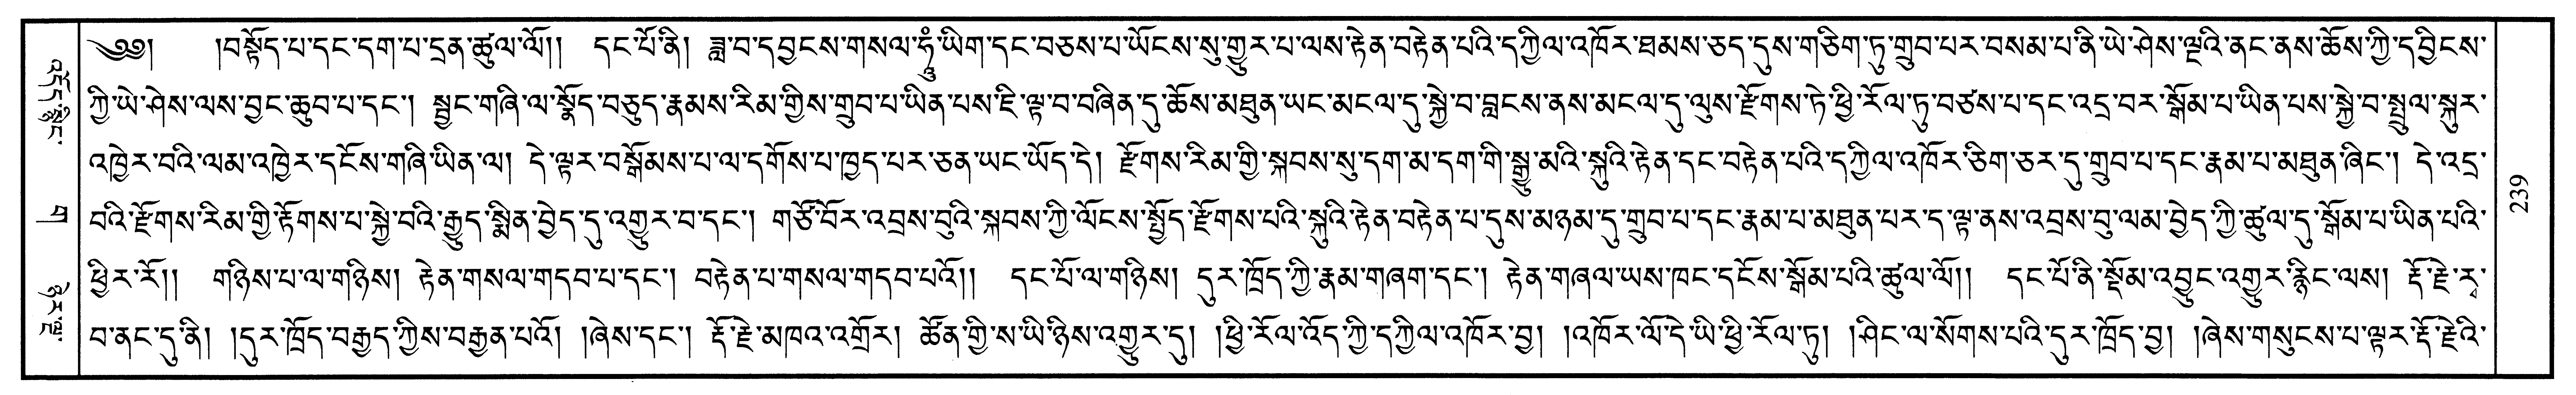༄༅། །བསྟོད་པ་དང་དག་པ་དྲན་ཚུལ་ལོ།། དང་པོ་ནི། ཟླ་བ་དབྱངས་གསལ་ཧཱུཾ་ཡིག་དང་བཅས་པ་ཡོངས་སུ་གྱུར་པ་ལས་རྟེན་བརྟེན་པའི་དཀྱིལ་འཁོར་ཐམས་ཅད་དུས་གཅིག་ཏུ་གྲུབ་པར་བསམ་པ་ནི་ཡེ་ཤེས་ལྔའི་ནང་ནས་ཆོས་ཀྱི་དབྱིངས་
ཀྱི་ཡེ་ཤེས་ལས་བྱང་ཆུབ་པ་དང་། སྦྱང་གཞི་ལ་སྣོད་བཅུད་རྣམ་རིམ་གྱིས་གྲུབ་པ་ཡིན་པས་ཇི་ལྟ་བ་བཞིན་དུ་ཆོས་མཐུན་ཡང་མངལ་དུ་སྐྱེ་བ་བླངས་ནས་མངལ་དུ་ལུས་རྫོགས་ཏེ་ཕྱི་རོལ་ཏུ་བཙས་པ་དང་འདྲ་བར་སྒོམ་པ་ཡིན་པས་སྐྱེ་བ་སྤྲུལ་སྐུར་
འཁྱེར་བའི་ལམ་འཁྱེར་དངོས་གཞི་ཡིན་ལ། དེ་ལྟར་བསྒོམས་པ་ལ་དགོས་པ་ཁྱད་པར་ཅན་ཡང་ཡོད་དེ། རྫོགས་རིམ་གྱི་སྐབས་སུ་དག་མ་དག་གི་སྒྱུ་མའི་སྐུའི་རྟེན་དང་བརྟེན་པའི་དཀྱིལ་འཁོར་ཅིག་ཅར་དུ་གྲུབ་པ་དང་རྣམ་པ་མཐུན་ཞིང་། དེ་འདྲ་
བའི་རྫོགས་རིམ་གྱི་རྟོགས་པ་སྐྱེ་བའི་རྒྱུད་སྨིན་བྱེད་དུ་འགྱུར་བ་དང་། གཙོ་བོར་འབྲས་བུའི་སྐབས་ཀྱི་ལོངས་སྤྱོད་རྫོགས་པའི་སྐུའི་རྟེན་བརྟེན་པ་དུས་མཉམ་དུ་གྲུབ་པ་དང་རྣམ་པ་མཐུན་པར་ད་ལྟ་ནས་འབྲས་བུ་ལམ་བྱེད་ཀྱི་ཚུལ་དུ་སྒོམ་པ་ཡིན་པའི་
ཕྱིར་རོ།། གཉིས་པ་ལ་གཉིས། རྟེན་གསལ་གདབ་པ་དང་། བརྟེན་པ་གསལ་གདབ་པའོ།། དང་པོ་ལ་གཉིས། དུར་ཁྲོད་ཀྱི་རྣམ་གཞག་དང་། རྟེན་གཞལ་ཡས་ཁང་དངོས་སྒོམ་པའི་ཚུལ་ལོ།། དང་པོ་ནི་སྡོམ་འབྱུང་འགྱུར་རྙིང་ལས། རྡོ་རྗེ་རྭ་
བ་ནང་དུ་ནི། །དུར་ཁྲོད་བརྒྱད་ཀྱིས་བརྒྱན་པའོ། །ཞེས་དང་། རྡོ་རྗེ་མཁའ་འགྲོར། ཚོན་གྱི་ས་ཡི་ཉིས་འགྱུར་དུ། །ཕྱི་རོལ་འོད་ཀྱི་དཀྱིལ་འཁོར་བྱ། །འཁོར་ལོ་དེ་ཡི་ཕྱི་རོལ་ཏུ། །ཤིང་ལ་སོགས་པའི་དུར་ཁྲོད་བྱ། །ཞེས་གསུངས་པ་ལྟར་རྡོ་རྗེའི་